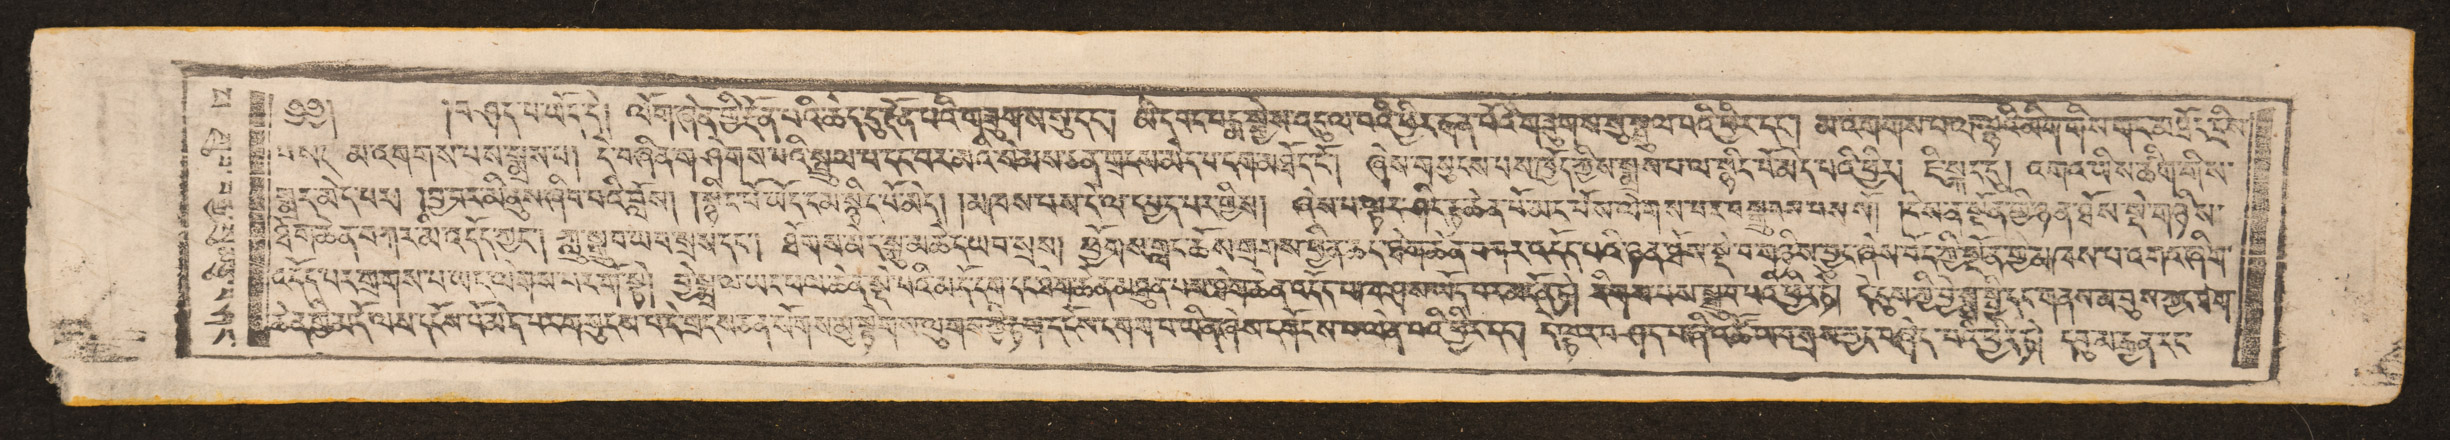༄༅། །བཤད་པ་ཡོད་དེ། ལོག་ཞེན་གྱི་རྔོན་པའི་ཆེད་དུ་རྔོན་པའི་གཟུགས་སུ་དང་། མི་དབང་པདམ་སྐྱེས་འདུལ་བའི་ཕྱིར་རྒན་པོའི་གཟུགས་སུ་སྤྲུལ་པའི་ཕྱིར་དང་། མ་འགགས་པ་ལ་ལྷའི་མིག་གིས་གང་མཐོང་བྲིས་
པས༑ མ་འགགས་པས་སྨྲས་པ། དེ་བཞིན་གཤེགས་པའི་སྤྲུལ་བ་དང་བར་མའི་སེམས་ཅན་གྲངས་མེད་པ་དག་མཐོང་ངོ། ཞེས་གསུངས་པས་ཁྱོད་ཀྱིས་སྨྲས་པ་ལ་སྙིང་པོ་མེད་པའི་ཕྱིར། ཇི་སྐད་དུ། འགའ་ཡིས་ཚིག་གིས་
སྨྲར་མེད་པར། །བྱ་བར་མི་ནུས་ཞིབ་པའི་བློས། །སྙིང་པོ་ཡོད་དམ་སྙིང་པོ་མེད། །མཁས་པས་དེ་ལ་དཔྱད་པར་གྱིས། ཞེས་པ་ལྟར་ཤིང་རྟ་ཆེན་པོ་མང་པོས་ལེགས་པར་བསྒྲུབས་པས་སོ། །དེས་ན་སྔོན་གྱི་ཉན་ཐོས་སྡེ་གཉིས་
ཐེག་ཆེན་བཀར་མི་འདོད་ཀྱང་། ཀླུ་སྒྲུབ་ཡབ་སྲས་དང་། ཐོགས་མེད་སྐུ་མཆེད་ཡབ་སྲས། ཕྱོགས་གླང་ཆོས་གྲགས་ཕྱིན་ཆད་ཐེག་ཆེན་བཀར་འདོད་པའི་ཉན་ཐོས་སྡེ་བ་གཉིས་བྱུང་ཞེས་བོད་ཀྱི་སྔོན་གྱི་མཁས་པ་འགའ་ཞིག་
འདོད་པར་གྲགས་པ་ཡང་ལེགས་པར་གོ་སྟེ། བྱེ་སྨྲ་ལ་ཡང་ཕལ་ཆེན་སྡེ་པའི་མདོ་དག་དང་ཐེག་ཆེན་མཐུན་པས་ཐེག་ཆེན་འདོད་པ་ཁ་ཤས་ཡོད་པར་མངོན་ཏེ། རིགས་པས་སྒྲུབ་པའི་ཕྱིར་ཏེ། དེ་དུས་ཀྱི་བྱེ་སྨྲ་སྤྱི་དང་གནས་མ་བུས་ཀྱང་ཐེག་
ཆེན་གྱི་མདོ་ལས་དངོས་པོ་མེད་པར་གསུངས་པ་དེ་གྲངས་ཅན་སོགས་མུ་སྟེགས་ལུགས་ཀྱི་རྟག་དངོས་དགག་པ་ཡིན་ཞེས་དགོངས་པ་ཡིན་པའི་ཕྱིར་དང་། དེ་ལྟར་བཤད་པ་ཞི་འཚོ་ཡབ་སྲས་ཀྱང་བཞེད་པའི་ཕྱིར་ཏེ། དབུ་མ་རྒྱན་རང་